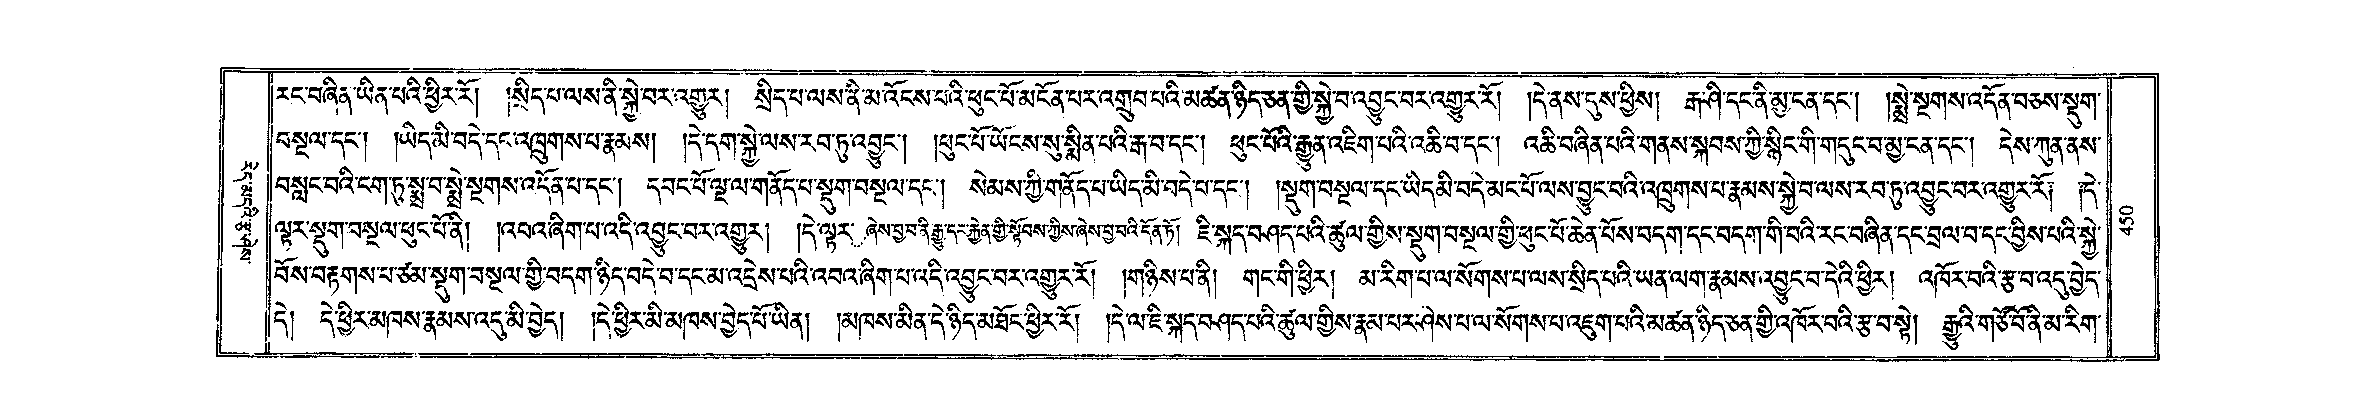རང་བཞིན་ཡིན་པའི་ཕྱིར་རོ། །སྲིད་པ་ལས་ནི་སྐྱེ་བར་འགྱུར། །སྲིད་པ་ལས་ནི་མ་འོངས་པའི་ཕུང་པོ་མངོན་པར་འགྲུབ་པའི་མཚན་ཉིད་ཅན་གྱི་སྐྱེ་བ་འབྱུང་བར་འགྱུར་རོ། །དེ་ནས་དུས་ཕྱིས། རྒ་ཤི་དང་ནི་མྱ་ངན་དང་། །སྨྲེ་སྔགས་འདོན་བཅས་སྡུག་
བསྔལ་དང་། །ཡིད་མི་བདེ་དང་འཁྲུགས་པ་རྣམས། །དེ་དག་སྐྱེ་ལས་རབ་ཏུ་འབྱུང་། །ཕུང་པོ་ཡོངས་སུ་སྨིན་པའི་རྒ་བ་དང་། ཕུང་པོའི་རྒྱུན་འཇིག་པའི་འཆི་བ་དང་། འཆི་བཞིན་པའི་གནས་སྐབས་ཀྱི་སྙིང་གི་གདུང་བ་མྱ་ངན་དང་། དེས་ཀུན་ནས་
བསླང་བའི་ངག་ཏུ་སྨྲ་བ་སྨྲེ་སྔགས་འདོན་པ་དང་། དབང་པོ་ལྔ་ལ་གནོད་པ་སྡུག་བསྔལ་དང་། སེམས་ཀྱི་གནོད་པ་ཡིད་མི་བདེ་བ་དང་། སྡུག་བསྔལ་དང་ཡིད་མི་བདེ་མང་པོ་ལས་བྱུང་བའི་འཁྲུགས་པ་རྣམས་སྐྱེ་བ་ལས་རབ་ཏུ་འབྱུང་བར་འགྱུར་རོ༑ ༑དེ་
ལྟར་སྡུག་བསྔལ་ཕུང་པོ་ནི། །འབའ་ཞིག་པ་འདི་འབྱུང་བར་འགྱུར། །དེ་ལྟར་ཞེས་བྱ་བ་ནི་རྒྱུ་དང་རྐྱེན་གྱི་སྟོབས་ཀྱིས་ཞེས་བྱ་བའི་དོན་ཏོ།  ཇི་སྐད་བཤད་པའི་ཚུལ་གྱིས་སྡུག་བསྔལ་གྱི་ཕུང་པོ་ཆེན་པོས་བདག་དང་བདག་གི་བའི་རང་བཞིན་དང་བྲལ་བ་དང་བྱིས་པའི་སྐྱེ་
བོས་བརྟགས་པ་ཙམ་སྡུག་བསྔལ་གྱི་བདག་ཉིད་བདེ་བ་དང་མ་འདྲེས་པའི་འབའ་ཞིག་པ་འདི་འབྱུང་བར་འགྱུར་རོ། །གཉིས་པ་ནི། གང་གི་ཕྱིར། མ་རིག་པ་ལ་སོགས་པ་ལས་སྲིད་པའི་ཡན་ལག་རྣམས་འབྱུང་བ་དེའི་ཕྱིར། འཁོར་བའི་རྩ་བ་འདུ་བྱེད་
དེ། དེ་ཕྱིར་མཁས་རྣམས་འདུ་མི་བྱེད། །དེ་ཕྱིར་མི་མཁས་བྱེད་པོ་ཡིན། །མཁས་མིན་དེ་ཉིད་མཐོང་ཕྱིར་རོ། །དེ་ལ་ཇི་སྐད་བཤད་པའི་ཚུལ་གྱིས་རྣམ་པར་ཤེས་པ་ལ་སོགས་པ་འཇུག་པའི་མཚན་ཉིད་ཅན་གྱི་འཁོར་བའི་རྩ་བ་སྟེ། རྒྱུའི་གཙོ་བོ་ནི་མ་རིག་